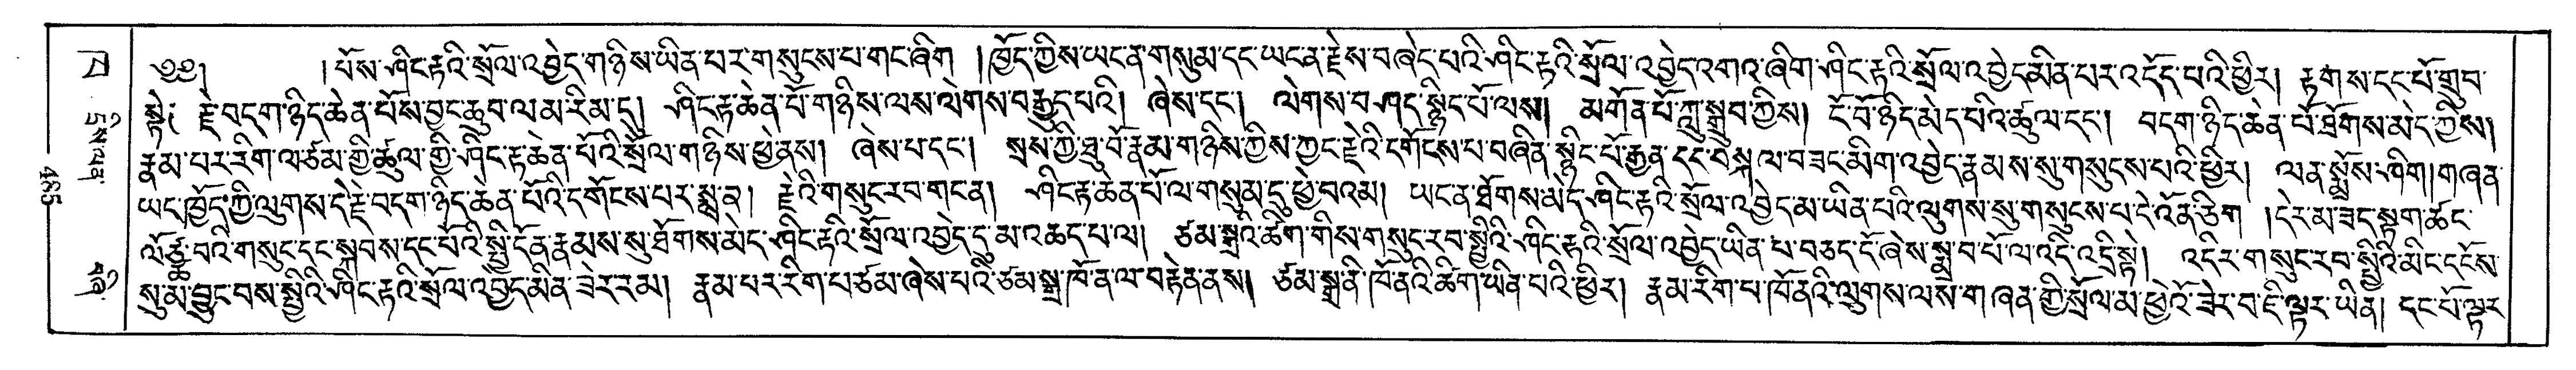༄༅། །པོས་ཤིང་རྟའི་སྲོལ་འབྱེད་གཉིས་ཡིན་པར་གསུངས་པ་གང་ཞིག །ཁྱོད་ཀྱིས་ཡང་ན་གསུམ་དང་ཡང་ན་རྗེས་བཞེད་པའི་ཤིང་རྟའི་སྲོལ་འབྱེད་འགའ་ཞིག་ཤིང་རྟའི་སྲོལ་འབྱེད་མིན་པར་འདོད་པའི་ཕྱིར། རྟགས་དང་པོ་གྲུབ་
སྟེ༑ རྗེ་བདག་ཉིད་ཆེན་པོས་བྱང་ཆུབ་ལམ་རིམ་དུ། ཤིང་རྟ་ཆེན་པོ་གཉིས་ལས་ལེགས་བརྒྱུད་པའི། ཞེས་དང་། ལེགས་བཤད་སྙིང་པོ་ལས། མགོན་པོ་ཀླུ་སྒྲུབ་ཀྱིས། ངོ་བོ་ཉིད་མེད་པའི་ཚུལ་དང་། བདག་ཉིད་ཆེན་པོ་ཐོགས་མེད་ཀྱིས།
རྣམ་པར་རིག་པ་ཙམ་གྱི་ཚུལ་གྱི་ཤིང་རྟ་ཆེན་པོའི་སྲོལ་གཉིས་ཕྱེ་ནས། ཞེས་པ་དང་། སྲས་ཀྱི་ཐུ་བོ་རྣམ་གཉིས་ཀྱིས་ཀྱང་རྗེའི་དགོངས་པ་བཞིན་སྙིང་པོ་རྒྱན་དང་བསྐལ་བཟང་མིག་འབྱེད་རྣམས་སུ་གསུངས་པའི་ཕྱིར། ལན་སྨྲོས་ཤིག །གཞན་
ཡང་ཁྱོད་ཀྱི་ལུགས་དེ་རྗེ་བདག་ཉིད་ཆེན་པོའི་དགོངས་པར་སྨྲ་ན། རྗེའི་གསུང་རབ་གང་ན། ཤིང་རྟ་ཆེན་པོ་ལ་གསུམ་དུ་ཕྱེ་བའམ། ཡང་ན་ཐོགས་མེད་ཤིང་རྟའི་སྲོལ་འབྱེད་མ་ཡིན་པའི་ལུགས་སུ་གསུངས་པ་དེ་འོན་ཅིག །དེར་མ་ཟད་སྟག་ཚང་
ལོ་ཙྪ་བའི་གསུང་དང་སྐབས་དང་པོའི་སྤྱི་དོན་རྣམས་སུ་ཐོགས་མེད་ཤིང་རྟའི་སྲོལ་འབྱེད་དུ་མ་འཆད་པ་ལ། ཙམ་སྒྲའི་ཚིག་གིས་གསུང་རབ་སྤྱིའི་ཤིང་རྟའི་སྲོལ་འབྱེད་ཡིན་པ་བཅད་དོ་ཞེས་སྨྲ་བ་པོ་ལ་འདི་འདྲི་སྟེ། འདིར་གསུང་རབ་སྤྱིའི་མིང་དངོས་
སུམ་བྱུང་བས་སྤྱིའི་ཤིང་རྟའི་སྲོལ་འབྱེད་མིན་ཟེར་རམ། རྣམ་པར་རིག་པ་ཙམ་ཞེས་པའི་ཙམ་སྒྲ་ཁོ་ན་ལ་བརྟེན་ནས། ཙམ་སྒྲ་ནི་ཁོ་ནའི་ཆིག་ཡིན་པའི་ཕྱིར། རྣམ་རིག་པ་ཁོ་ནའི་ལུགས་ལས་གཞན་གྱི་སྲོལ་མ་ཕྱེའོ་ཟེར་བ་ཇི་ལྟར་ཡིན། དང་པོ་ལྟར་